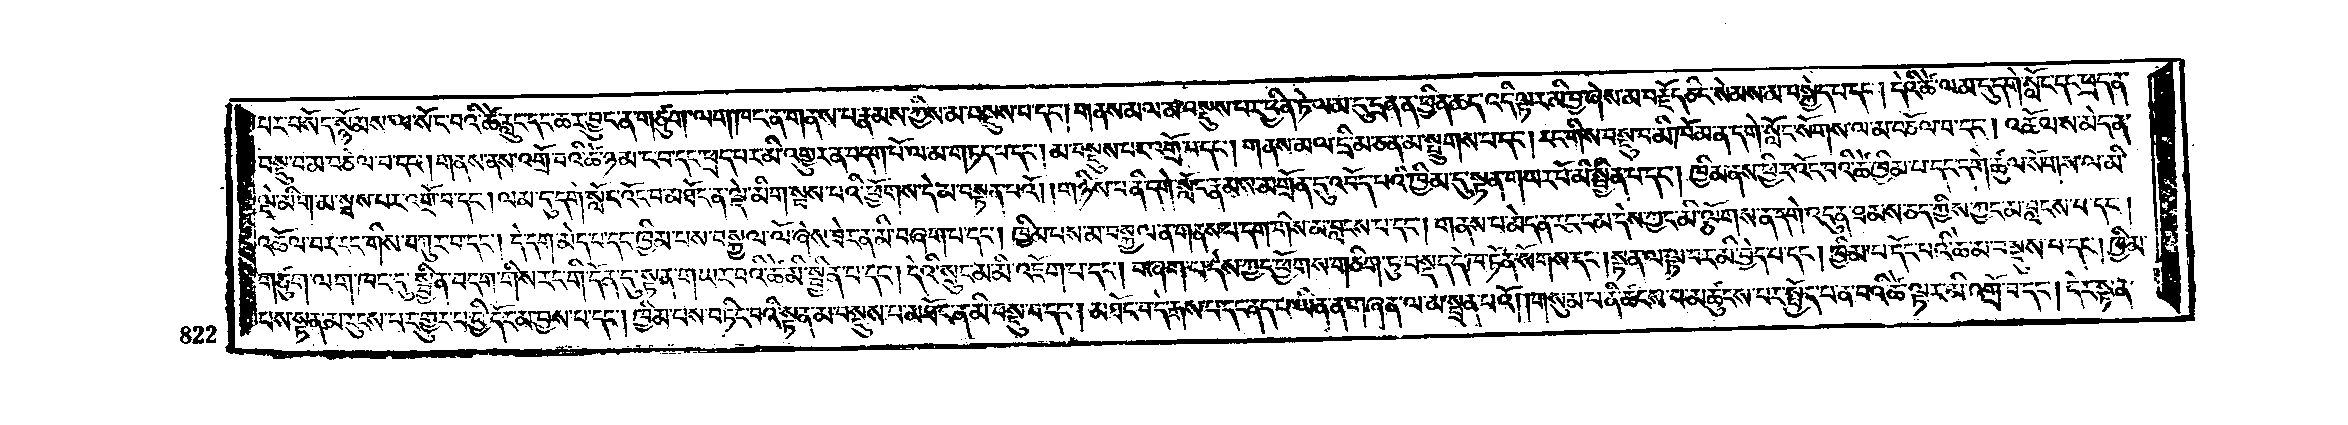པར་བསོད་སྙོམས་ལ་སོང་བའི་ཚེ་རླུང་དང་ཆར་བྱུང་ན་གཙུག་ལག་ཁང་ན་གནས་པ་རྣམས་ཀྱིས་མ་བསྡུས་པ་དང་། གནས་མལ་མ་བསྡུས་པར་ཕྱིན་ཏེ་ལམ་དུ་དྲན་ན་ཕྱིན་ཆད་འདི་ལྟར་མི་བྱ་ཞེས་མ་བརྗོད་ཅིང་སེམས་མ་བསྐྱེད་པ་དང་། དེའི་ཚེ་ལམ་དུ་དགེ་སློང་དང་ཕྲད་ན་
བསྡུ་བ་མ་བཅེལ་བ་དང་། གནས་ནས་འགྲོ་བའི་ཚེ་ཉམ་ང་བ་དང་ཕྲད་པར་མི་འགྱུར་ན་བདག་པོ་ལ་མ་གཏད་པ་དང་། མ་བསྡུས་པར་འགྲོ་བ་དང་། གནས་མལ་དྲི་མ་ཅན་མ་སྤྲུག་པ་དང་། རང་གིས་བསྡུ་བ་མི་ཁོམ་ན་དགེ་སློང་སོགས་ལ་མ་བཅོལ་བ་དང་། འཆོལ་ས་མེད་ན་
ལྡེ་མིག་མ་སྦས་པར་འགྲོ་བ་དང་། ལམ་དུ་དགེ་སློང་འོང་བ་མཐོང་ན་ལྡེ་མིག་སྦས་པའི་ཕྱོགས་དེ་མ་བསྟན་པའོ། །གཉིས་པ་ནི་དགེ་སློང་རྣམས་མགྲོན་དུ་འབོད་པའི་ཁྱིམ་དུ་སྟན་གཡར་པོ་མི་སྦྱིན་པ་དང་། ཁྱིམ་ནས་ཕྱིར་འོང་བའི་ཚེ་ཁྱིམ་པ་དང་དགེ་ཚུལ་སོགས་ལ་མི་
འཆོལ་བར་རང་གིས་བཀུར་བ་དང་། དེ་དག་མེད་པ་དང་ཁྱིམ་པས་བསྐྱལ་ལོ་ཞེས་ཟེར་ན་མི་བཞག་པ་དང་། ཁྱིམ་པས་མ་བསྐྱལ་ན་གནས་པ་དག་གིས་མ་བླངས་པ་དང་། གནས་པ་མེད་ན་རང་ངམ་དེས་ཀྱང་མི་ལྕོགས་ན་དགེ་འདུན་ཐམས་ཅད་ཀྱིས་ཀྱང་མ་བླངས་པ་དང་།
གཙུག་ལག་ཁང་དུ་སྦྱིན་བདག་གིས་རང་གི་དོན་དུ་སྟན་གཡར་བའི་ཚེ་མི་སྦྱིན་པ་དང་། དེའི་སྲུང་མ་མི་འཇོག་པ་དང་། བཞག་པ་དེས་ཀྱང་ཕྱོགས་གཅིག་ཏུ་བསྡད་དེ་ཁ་ཏོན་སོགས་དང་། སྟན་ལ་ལྟ་བར་མི་བྱེད་པ་དང་། ཁྱིམ་པ་དོང་པའི་ཚེ་མ་བསྡུས་པ་དང་། ཁྱིམ་
པས་སྟན་མ་རུངས་པར་གྱུར་པ་བྱི་དོར་མ་བྱས་པ་དང་། ཁྱིམ་པས་བཏིང་བའི་སྟན་མ་བསྡུས་པ་མཐོང་ན་མི་བསྡུ་བ་དང་། མཐོང་བ་དེ་རྒས་པ་དང་ནད་པ་ཡིན་ན་གཞན་ལ་མ་སྤྲན་པའོ། །གསུམ་པ་ནི་ཚངས་པ་མཚུངས་པར་སྤྱོད་པ་ན་བའི་ཚེ་ལྟར་མི་འགྲོ་བ་དང་། དེར་སྟན་